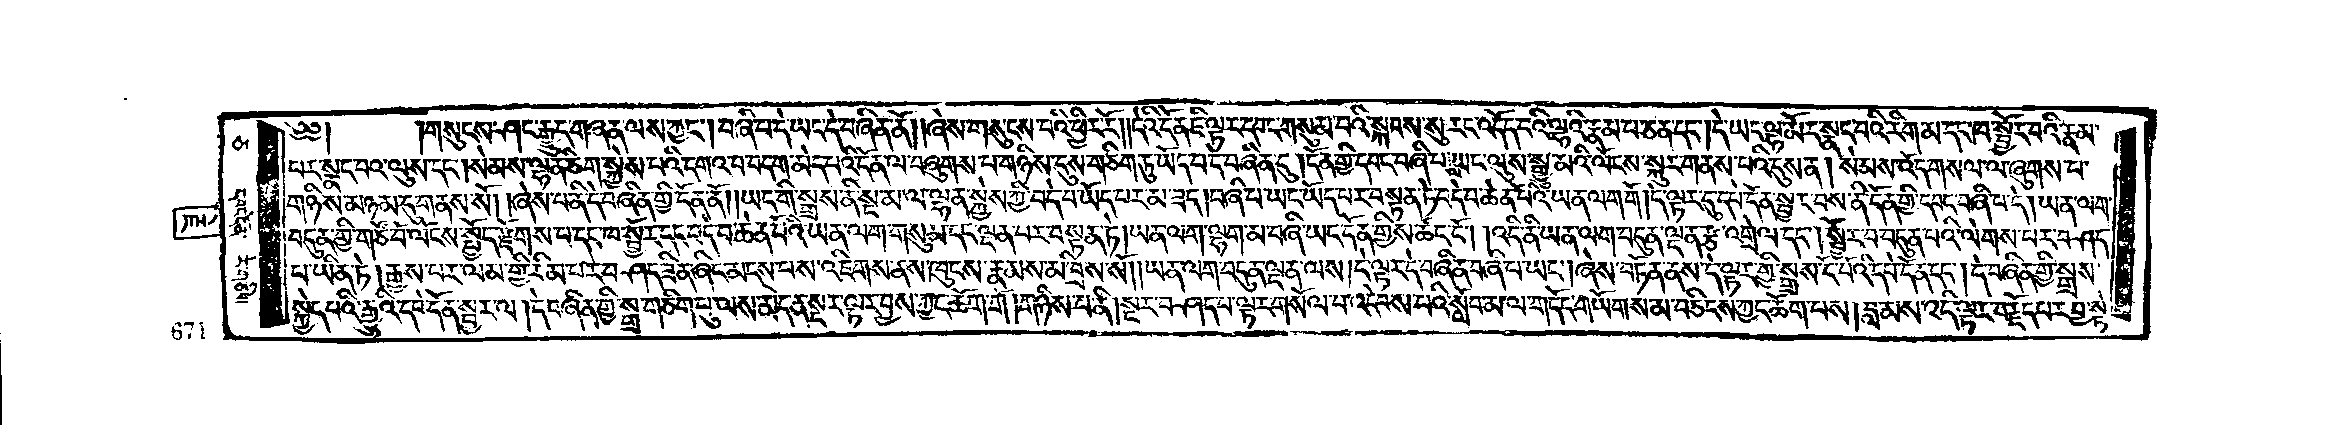༄༅། །གསུངས་ཤིང་རྒྱུད་གཞན་ལས་ཀྱང་། བཞི་པ་དེ་ཡང་དེ་བཞིན་ནོ། །ཞེས་གསུངས་པའི་ཕྱིར་རོ། །དེའི་དོན་ཇི་ལྟར་དབང་གསུམ་པའི་སྐབས་སུ་རང་འདོད་པའི་ལྷའི་རྣམ་པ་ཅན་དང་། དེ་ཡང་ལྷ་མོར་སྣང་བའི་རིག་མ་དང་ཁ་སྦྱོར་བའི་རྣམ་
པར་སྣང་བའི་ལུས་དང་། སེམས་ལྷན་ཅིག་སྐྱེས་པའི་དགའ་བ་བདག་མེད་པའི་དོན་ལ་བཞུགས་པ་གཉིས་དུས་གཅིག་ཏུ་ཡོད་པ་དེ་བཞིན་དུ། དོན་གྱི་དབང་བཞི་པ་ལ་ཡང་ལུས་སྒྱུ་མའི་ལོངས་སྐུར་གནས་པའི་དུས་ན། སེམས་འོད་གསལ་ལ་ཞུགས་པ་
གཉིས་མཉམ་དུ་གནས་སོ། །ཞེས་པ་ནི་དེ་བཞིན་གྱི་དོན་ནོ། །ཡང་གི་སྒྲས་ནི་སྔ་མ་ལ་ལྷན་སྐྱེས་ཀྱི་བདེ་བ་ཡོད་པར་མ་ཟད། བཞི་པ་ཡང་ཡོད་པར་བསྟན་ཏེ་བདེ་བ་ཆེན་པོའི་ཡན་ལག་གོ །དེ་ལྟར་དུ་དཔེ་དོན་སྦྱར་བས་ནི་དོན་གྱི་དབང་བཞི་པ་དེ། ཡན་ལག་
བདུན་གྱི་གཙོ་བོ་ལོངས་སྤྱོད་རྫོགས་པ་དང་ཁ་སྦྱོར་དང་བདེ་བ་ཆེན་པོའི་ཡན་ལག་གསུམ་དང་ལྡན་པར་བསྟན་ཏེ། ཡན་ལག་ལྷག་མ་བཞི་ཡང་དོན་གྱིས་ཚང་ངོ། །འདི་ནི་ཡན་ལག་བདུན་ལྡན་རྩ་འགྲེལ་དང་། སྦྱོར་བ་བདུན་པའི་ལེགས་པར་བཤད་
པ་ཡིན་ཏེ། རྒྱས་པར་ལམ་གྱི་རིམ་པར་བཤད་ཟིན་ཞིང་མངས་པས་འཇིགས་ནས་ཁུངས་རྣམས་མ་བྲིས་སོ། །ཡན་ལག་བདུན་ལྡན་ལས། དེ་ལྟར་དེ་བཞིན་བཞི་པ་ཡང་། ཞེས་བཏོན་ནས་དེ་ལྟར་གྱི་སྒྲས་ངོ་བོའི་དཔེ་དོན་དང་། དེ་བཞིན་གྱི་སྒྲས་
སྐྱེས་པའི་རྒྱུའི་དཔེ་དོན་སྦྱར་ལ། དེ་བཞིན་གྱི་སྒྲ་གཅིག་པུ་ལས་མེད་ན་སྔར་ལྟར་བྱས་ཀྱང་ཆོག་གོ །གཉིས་པ་ནི། སྔར་བཤད་པ་ལྟར་གསོལ་བ་འདེབས་པའི་སློབ་མ་ལ་གདོང་གཡོགས་མ་བཅིངས་ཀྱང་ཆོག་པས། བླ་མས་འདི་ལྟར་བརྗོད་པར་བྱ་སྟེ་